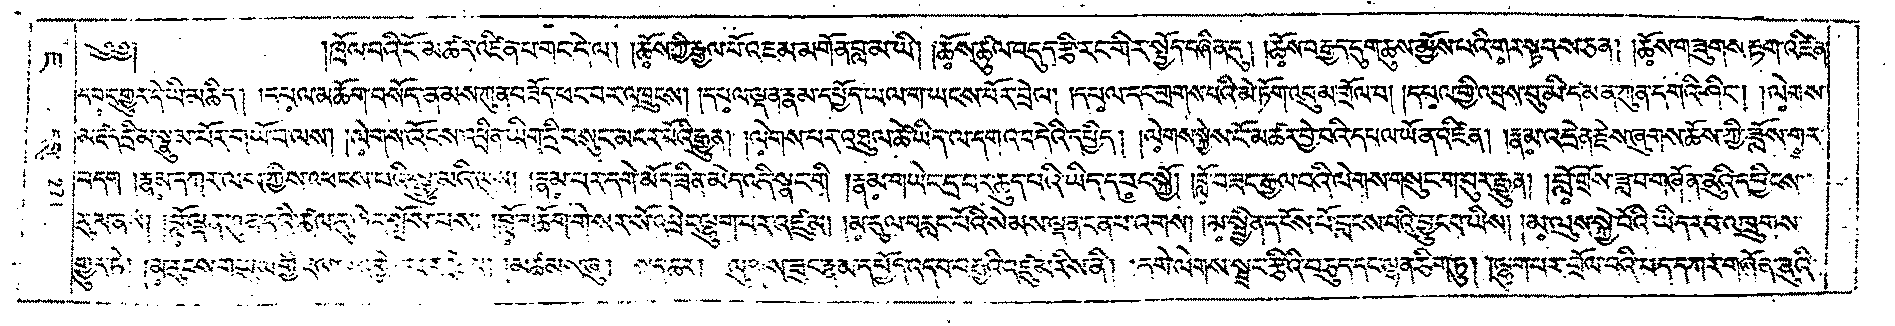༄༅། །ཁྲོལ་བའི་ངོ་མཚར་འཛིན་པ་གང་དེ་ལ། །ཆོས྾་ཀྱི་རྒྱལ་པོ་འཇམ་མགོན་བླ་མ་ཡི། །ཆོས྾་ཚུལ་བདུད་རྩི་རང་གིར་སྤྱོད་བཞིན་དུ། །ཆོས྾་བརྒྱད་དུག་ཆུས་མྱོས་པའི་གར྾་སྟབས་ཅན། །ཆོས྾་གཟུགས་རྟག་འཛིན་
དབང྾་གྱུར་དེ་ཡི་མཆིད། །དཔལ྾་མཆོག་བསོད་ནམས་ཀུན་བཟོད་ཕང་པར་འཁྲུངས། །དཔལ྾་ལྡན་རྣམ་དཔྱོད་ཡལ་ག་ཡངས་པོར་བྲེལ། །དཔལ྾་དང་གྲགས་པའི་མེ་ཏོག་འབུམ་གྲོལ་བ། །དཔལ྾་གྱི་འབྲས་བུ་མི་དམན་ཀུན་དགའི་ཤིང་། །ལེགས་
མཛད་དྲི་མ་སྣུམ་པོར་གཡོ་བ་ལས། །ལེགས྾་འོངས་འཕྲིན་ཡིག་དྲི་བསུང་མངར་པོའི་རྒྱུན། །ལེགས྾་པར་འཐུལ་ཚེ་ཡིད་ལ་དགའ་བདེའི་དཔྱིད། །ལེགས྾་སྐྱེས་ངོ་མཚར་བྱེ་བའི་དཔལ་ཡོན་འཛིན། །རྣམ྾་འདྲེན་རྗེས་ཞུགས་ཆོས་ཀྱི་ཟློས་གར྾་
བདག །རྣམ྾་དཀར་ལས་ཀྱིས་འཕངས་པའི་སྒྱུ་མའི་ལུས། །རྣམ྾་པར་དགེ་མོད་ཟིན་མེད་འདི་སྣང་གི །རྣམ྾་གཡེང་དྲ་བར་ཆུད་པའི་ཡིད་དབང྾་སྐྱོ། །བློ྾་བཟང་རྒྱལ་བའི་ལེགས་གསུང་ག་བུར་རྒྱུན། །བློ྾་གྲོས་ཟླ་བ་གཞོན་ནུའི་དབྱིངས་
རུམ་ནས། །བློ྾་ལྡན་ཀུན་དའི་ཚལ་དུ་ཉེར་སྤྲོས་པས། །བློ྾་མཆོག་གེ་སར་སོ་འཕྲེང་ལྷུག་པར་འཛུམ། །མ྾་དུལ་བརླང་པོའི་སེམས་ལྡན་ངན་པ་འགས། །མ྾་སྦྱིན་དངོས་པོ་བླངས་པའི་བྱུང་བ་ཡིས། །མ྾་ལུས་སྐྱེ་བོའི་ཡིད་རབ་འཁྲུགས་
གྱུར་ཏེ། །མ྾་རུངས་གཡུལ་གྱི་རལ་ཁ་འགྱེད་པར་རྩོམ། །མཚམས་ཞུ། སླད་ཆར། ལུགས་ཟུང་རྣམ་དཔྱོད་འདབ་བརྒྱའི་འཛུམ་རིས་ནི། །དགེ་ལེགས་སྦྲང་རྩིའི་བཅུད་དང་ལྷན་ཅིག་ཏུ། །ལྷུག་པར་གྲོལ་བའི་པད་དཀར་གཞོན་ནུའི་